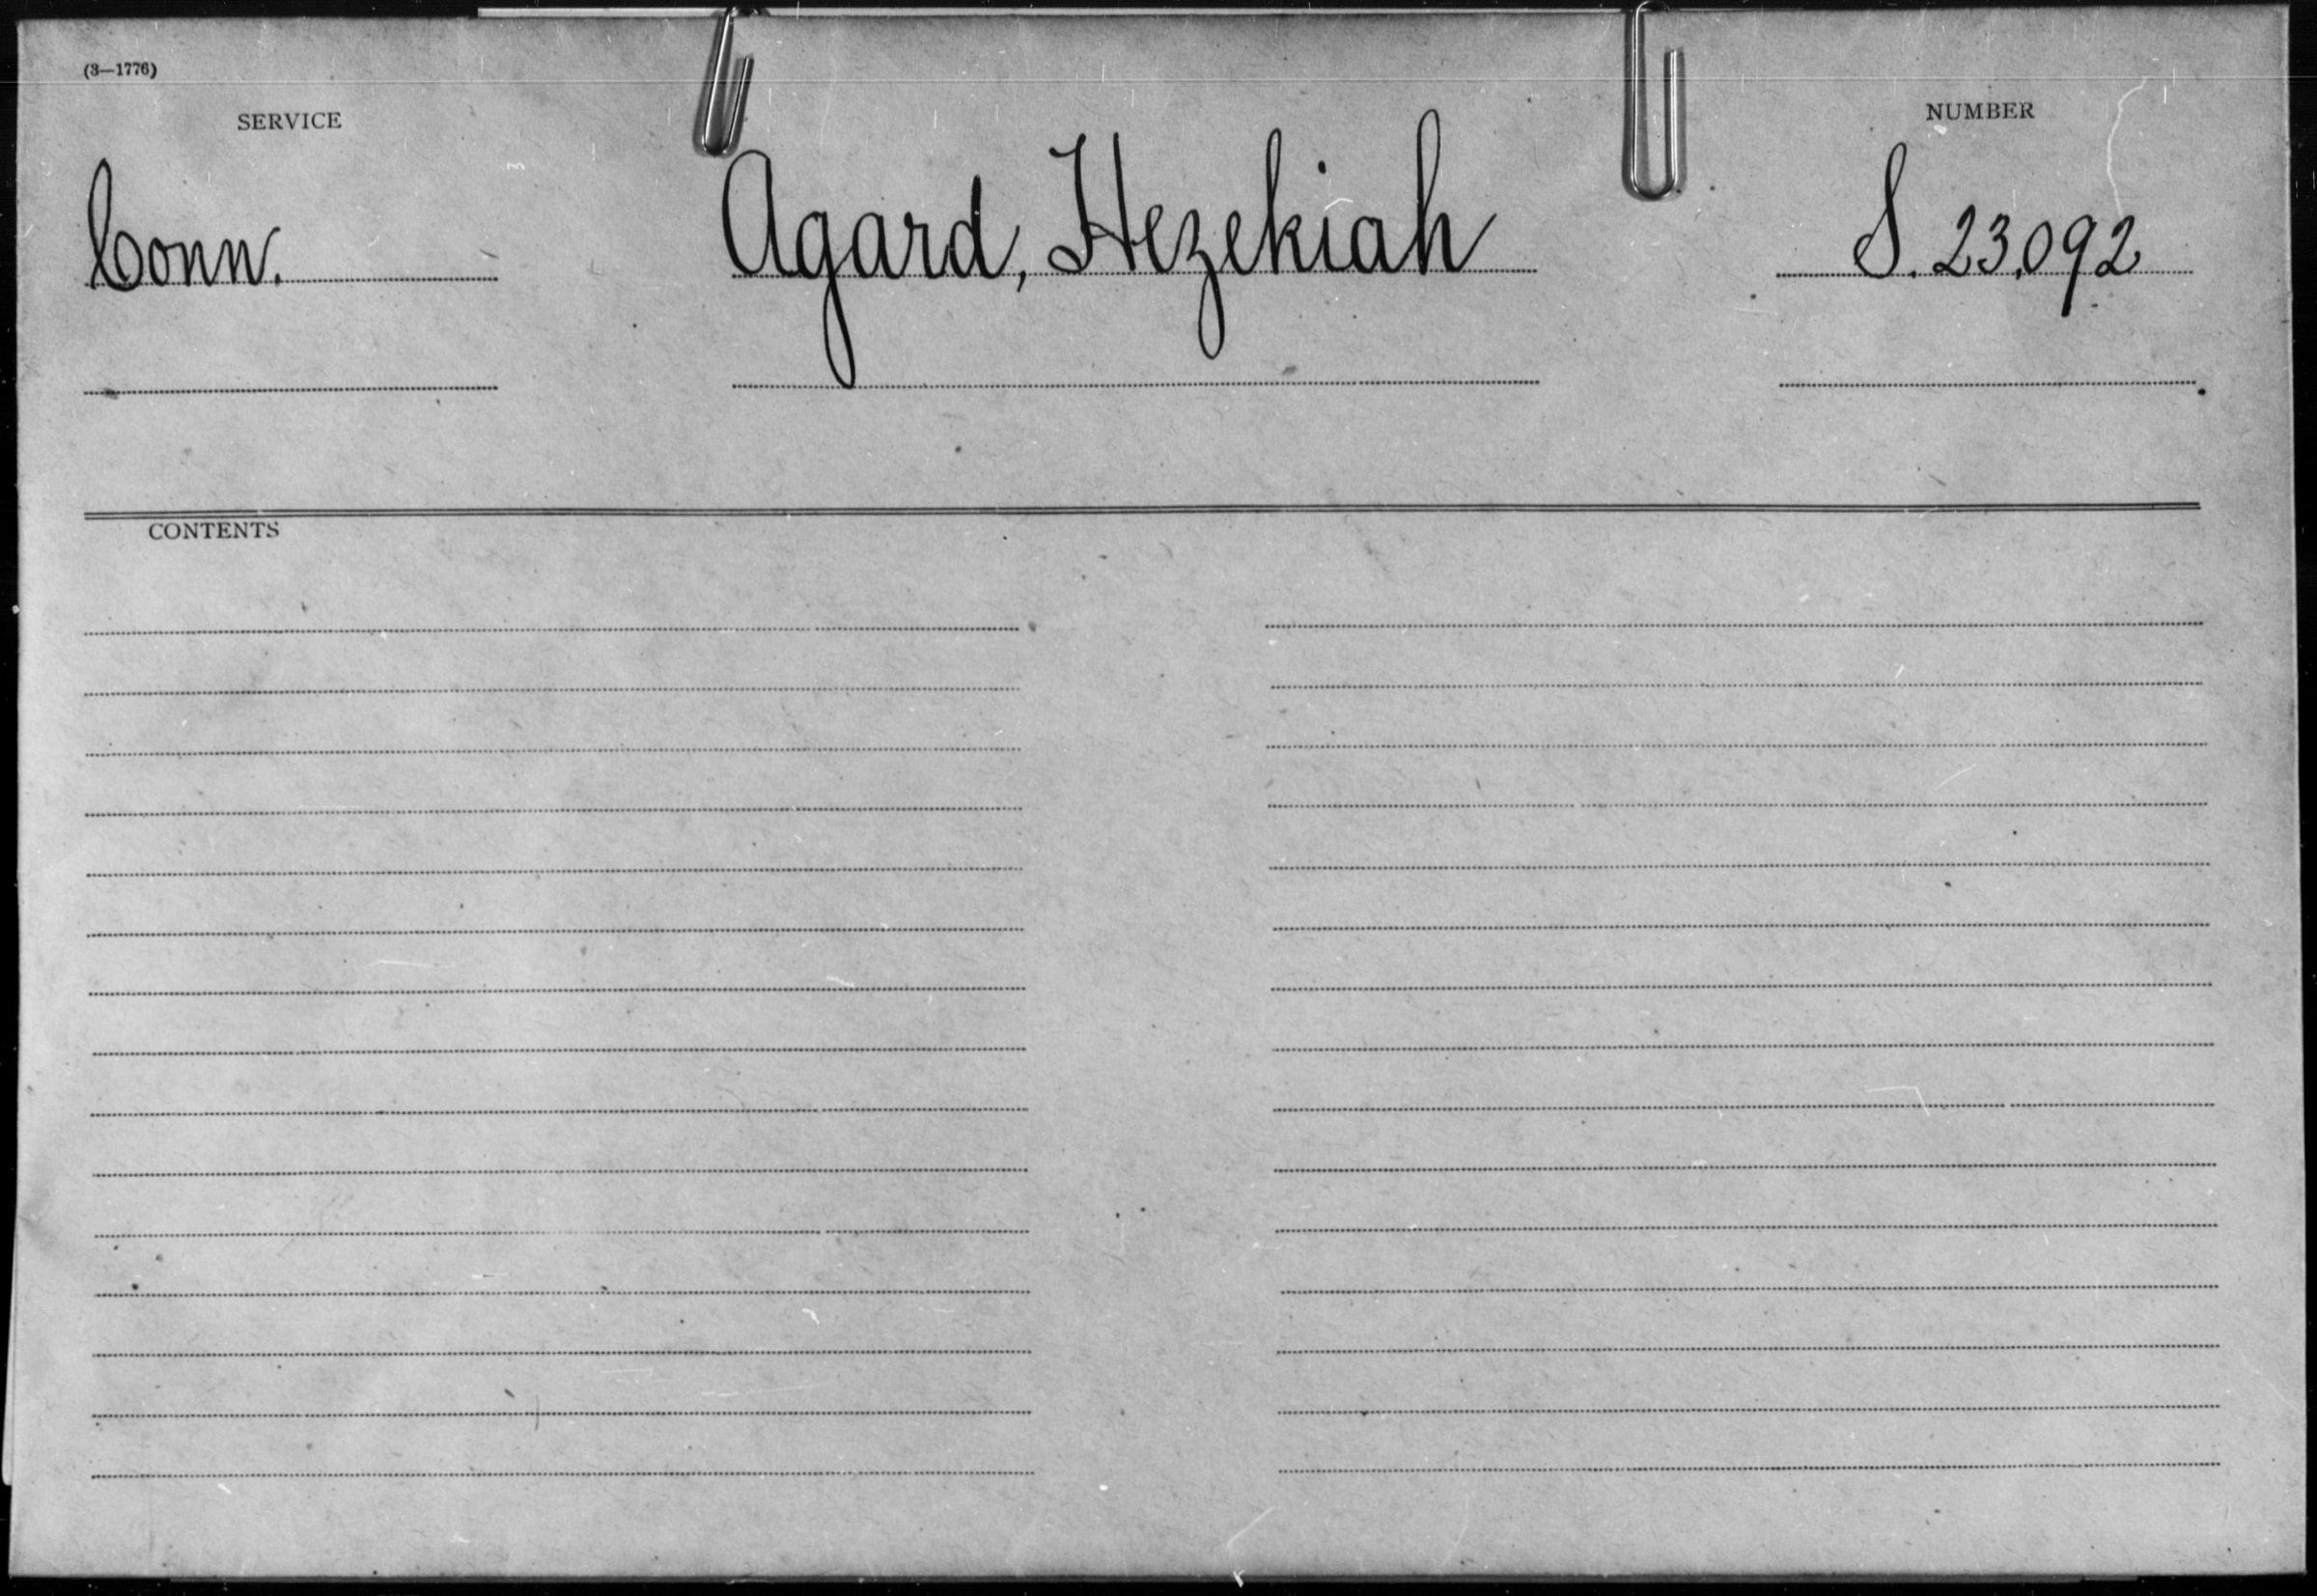(3 - 1776)
SERVICE Number
Conn. Agard, Hezekiah  S. 23092
CONTENTS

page: 1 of 19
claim: survivor's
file: S. 23,092, Hezekiah Agard, Conn.